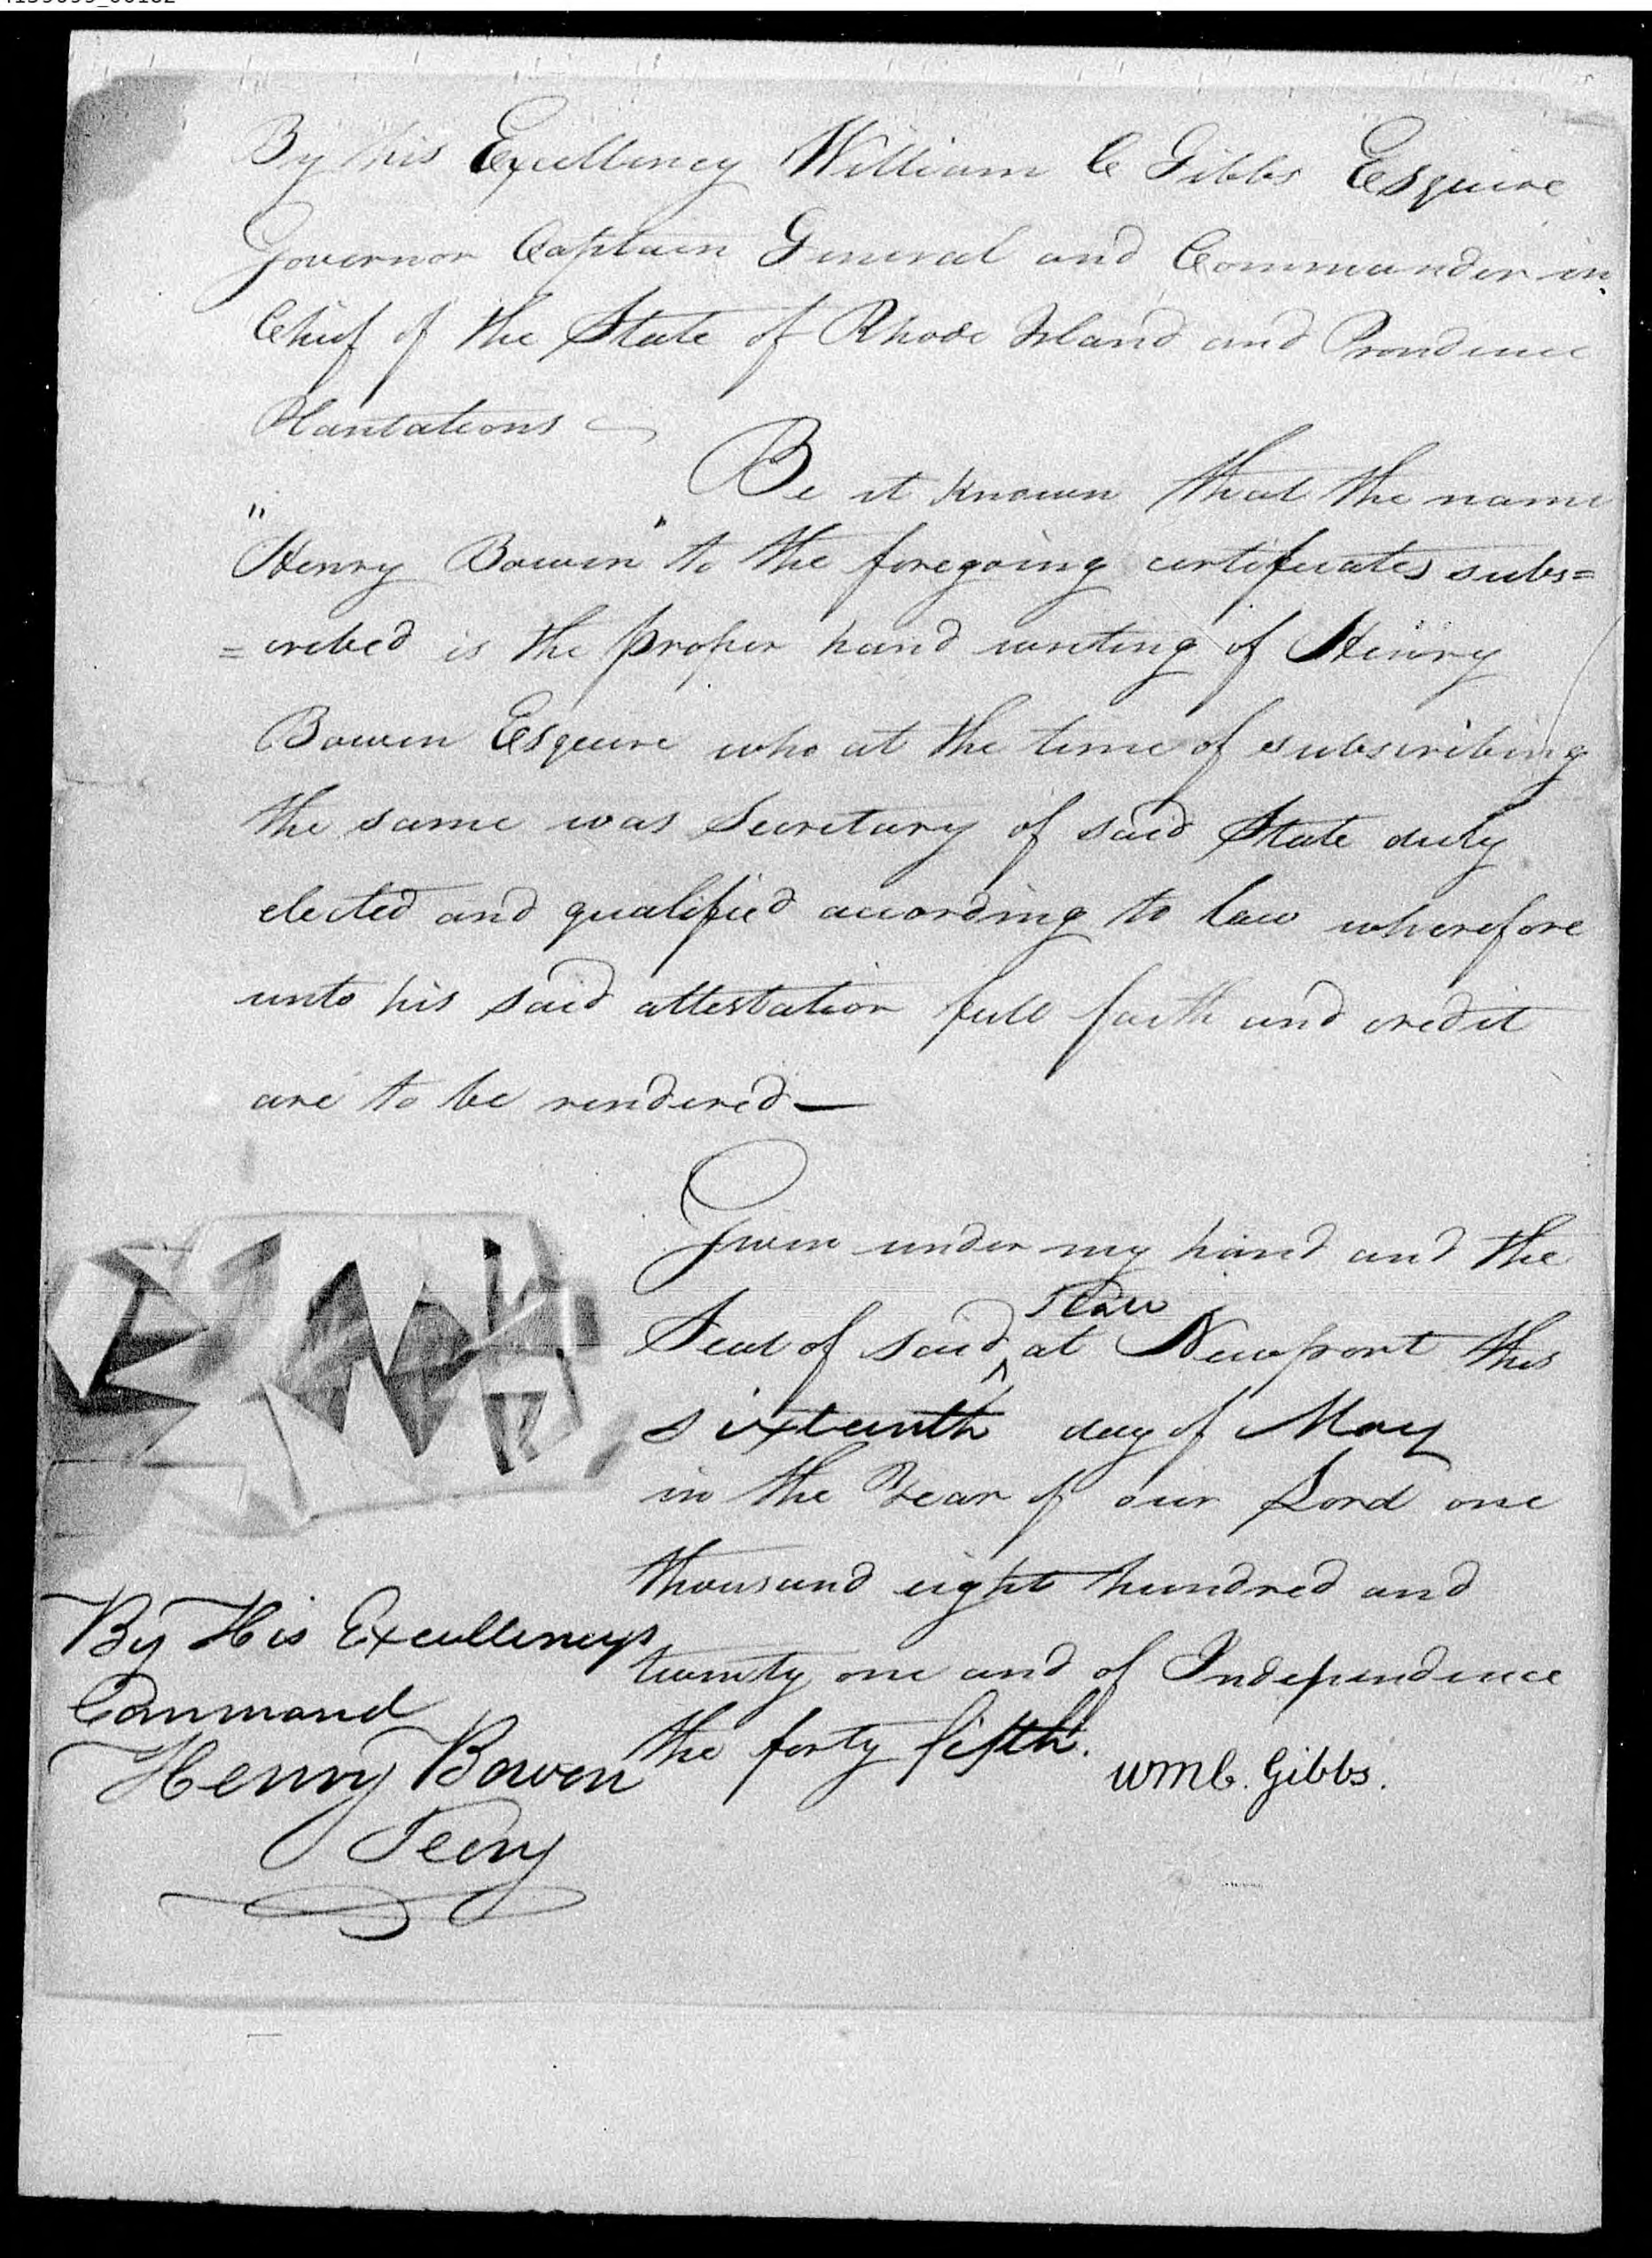By his excellency William C. Gibbs Esq. Governor Captain Gerrard and Commander in Chief of the State of Rhode Island and Providence Plantations. 

Be it known that the name "Henry Bowen" to the foregoing certifications subscribed is the proper hand writing of Henry Bowen Esqire who at the time of subscribing the same was Secretary of said Stated duly elected and qualified according to law wherefore unto his said attestation full faith and credit are to be rendered. 
Given under my hand and the seal of said state at Newport this sixteenth day of May in the year of our lord one thousand eight hundred and twenty one and of Independence the forty fifth. 
Wml. Gibbs
His excellency Command Henry Bowen Tery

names: Wm C Gibbs, Henry Bowen, William C Gibbs, Henry Bowen, Henry Bowen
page: 10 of 20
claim: survivor's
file: S. 38755, Charles Greene, R.I.